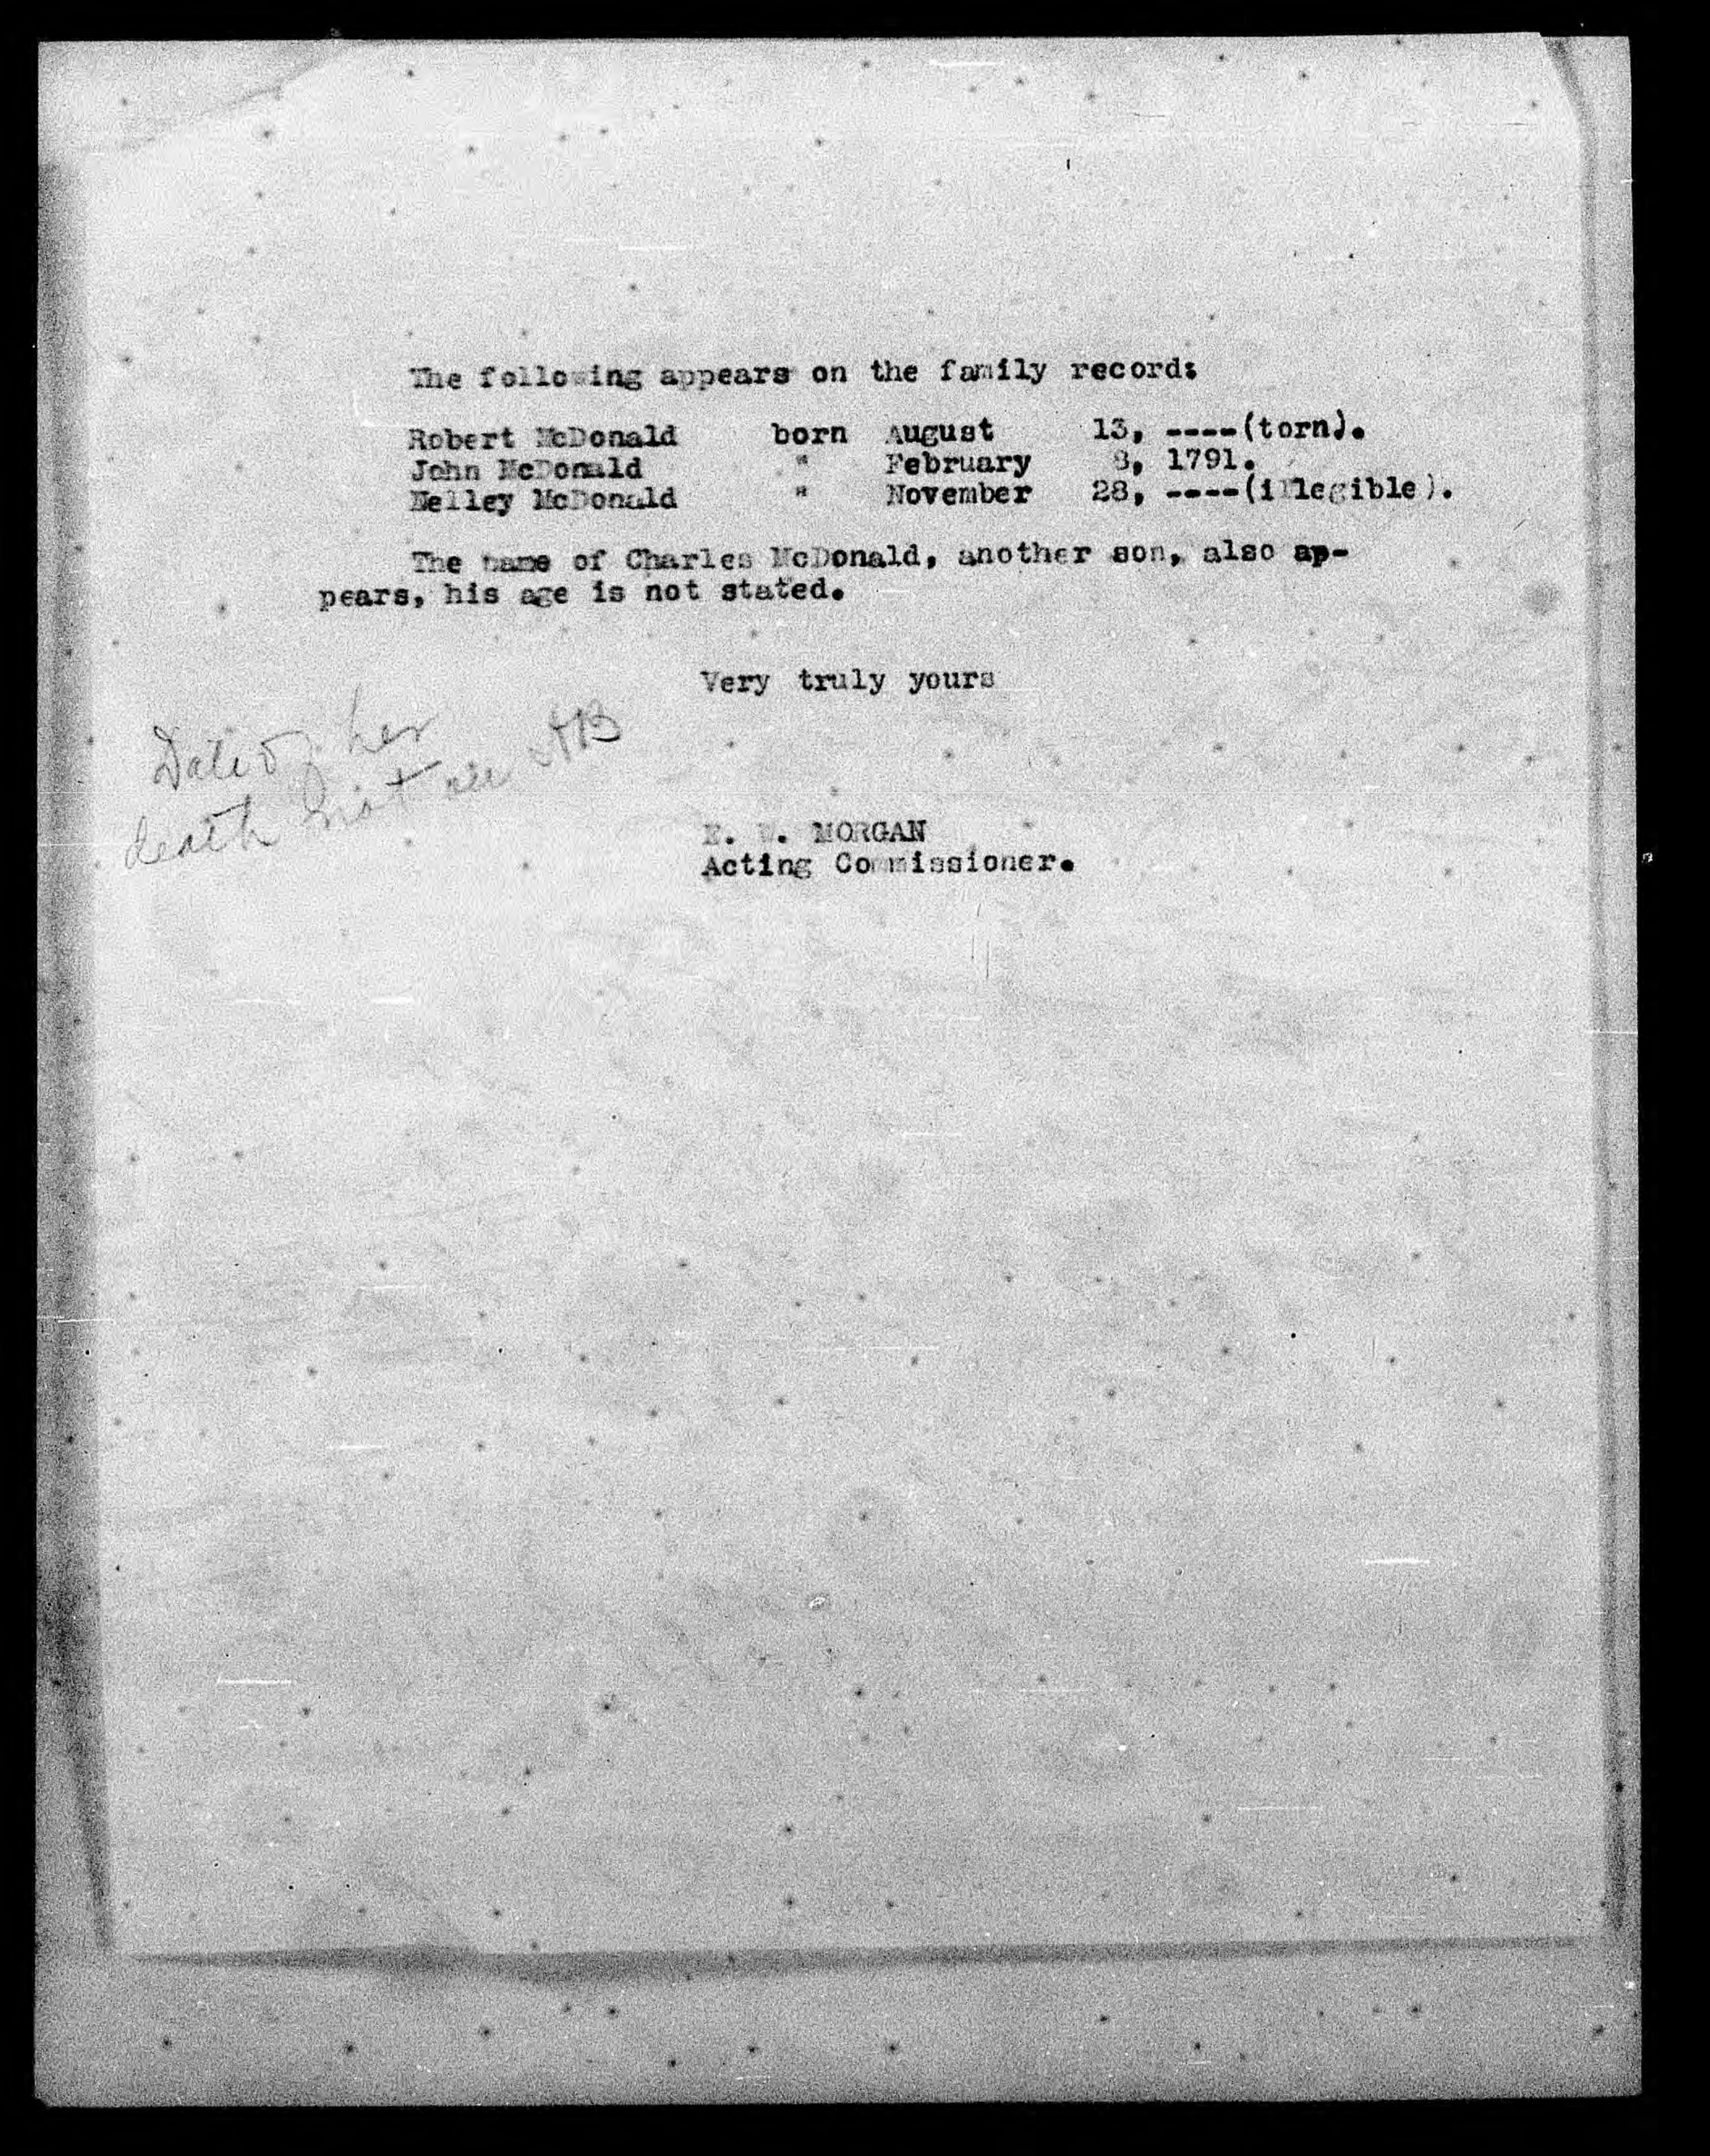The following appears on the family record:
Robert McDonald born August 13, (torn)
John McDonald born February 8, 1791.
Bailey McDonald November 28, (illegible)
The name of Charles McDonald, another son, also appears his age is not stated.
Very truly yours
E.W. Morgan
Acting Commissioner
Date of her death not as AB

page: 52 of 59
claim: widow's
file: W 3703, for Robert Mc Donald, Pennsylvania